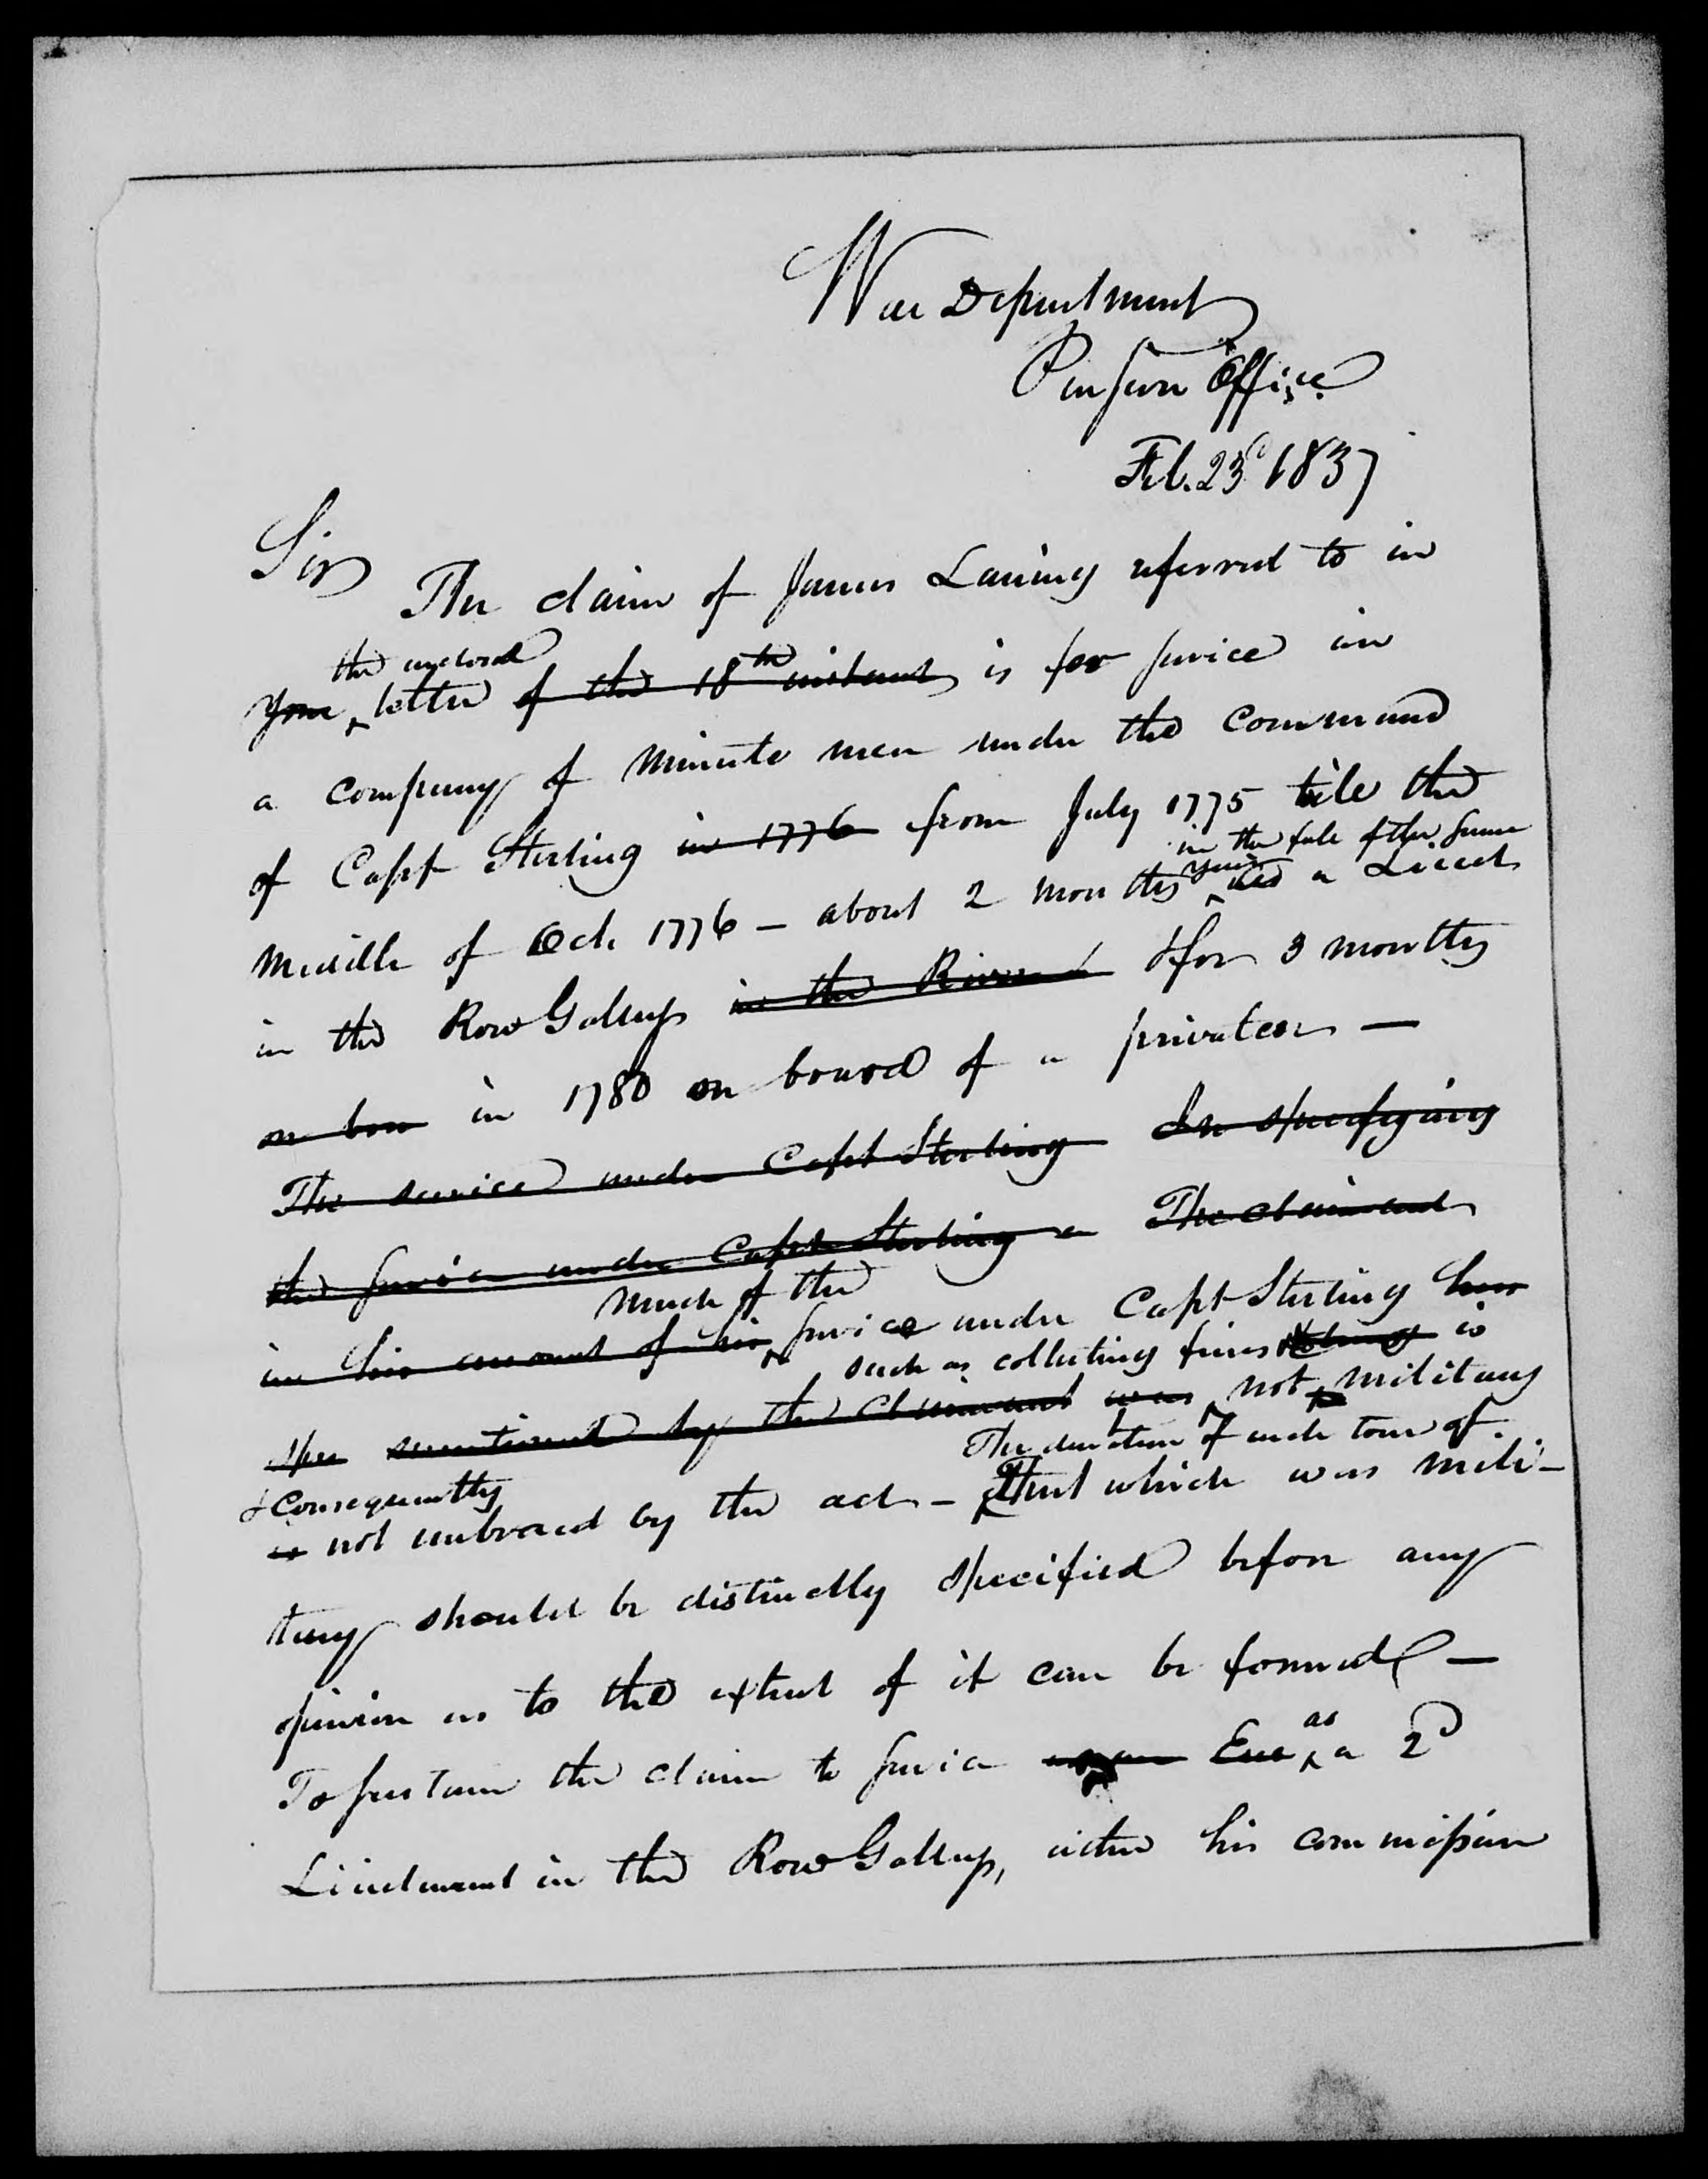War Department
Pension Office
Feb. 23. 1837

Sir

The claim of James Laning referred to in the enclosed letter is for service in a company of minute men under the command of Capt. Sterling from July 1775 till the middle of Oct. 1776 _ about 2 months in the fall of the same year and a Lieut. in the Row Galley & for 3 months in 1780 on board of a privateer_
Much of the service under Capt. Sterling such as collecting fines is not military & consequently not embraced by the act _ The duration of each tour of that which was military should be distinctly specified before any opinion as to the extent of it can be found_
To [pertain?] the claim to service as a 2d Lieutenant in the Row Galley, with his commission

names: James Laning; [BLANK] Sterling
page: 25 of 39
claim: rejected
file: R. 6154, for James Laning, New Jersey